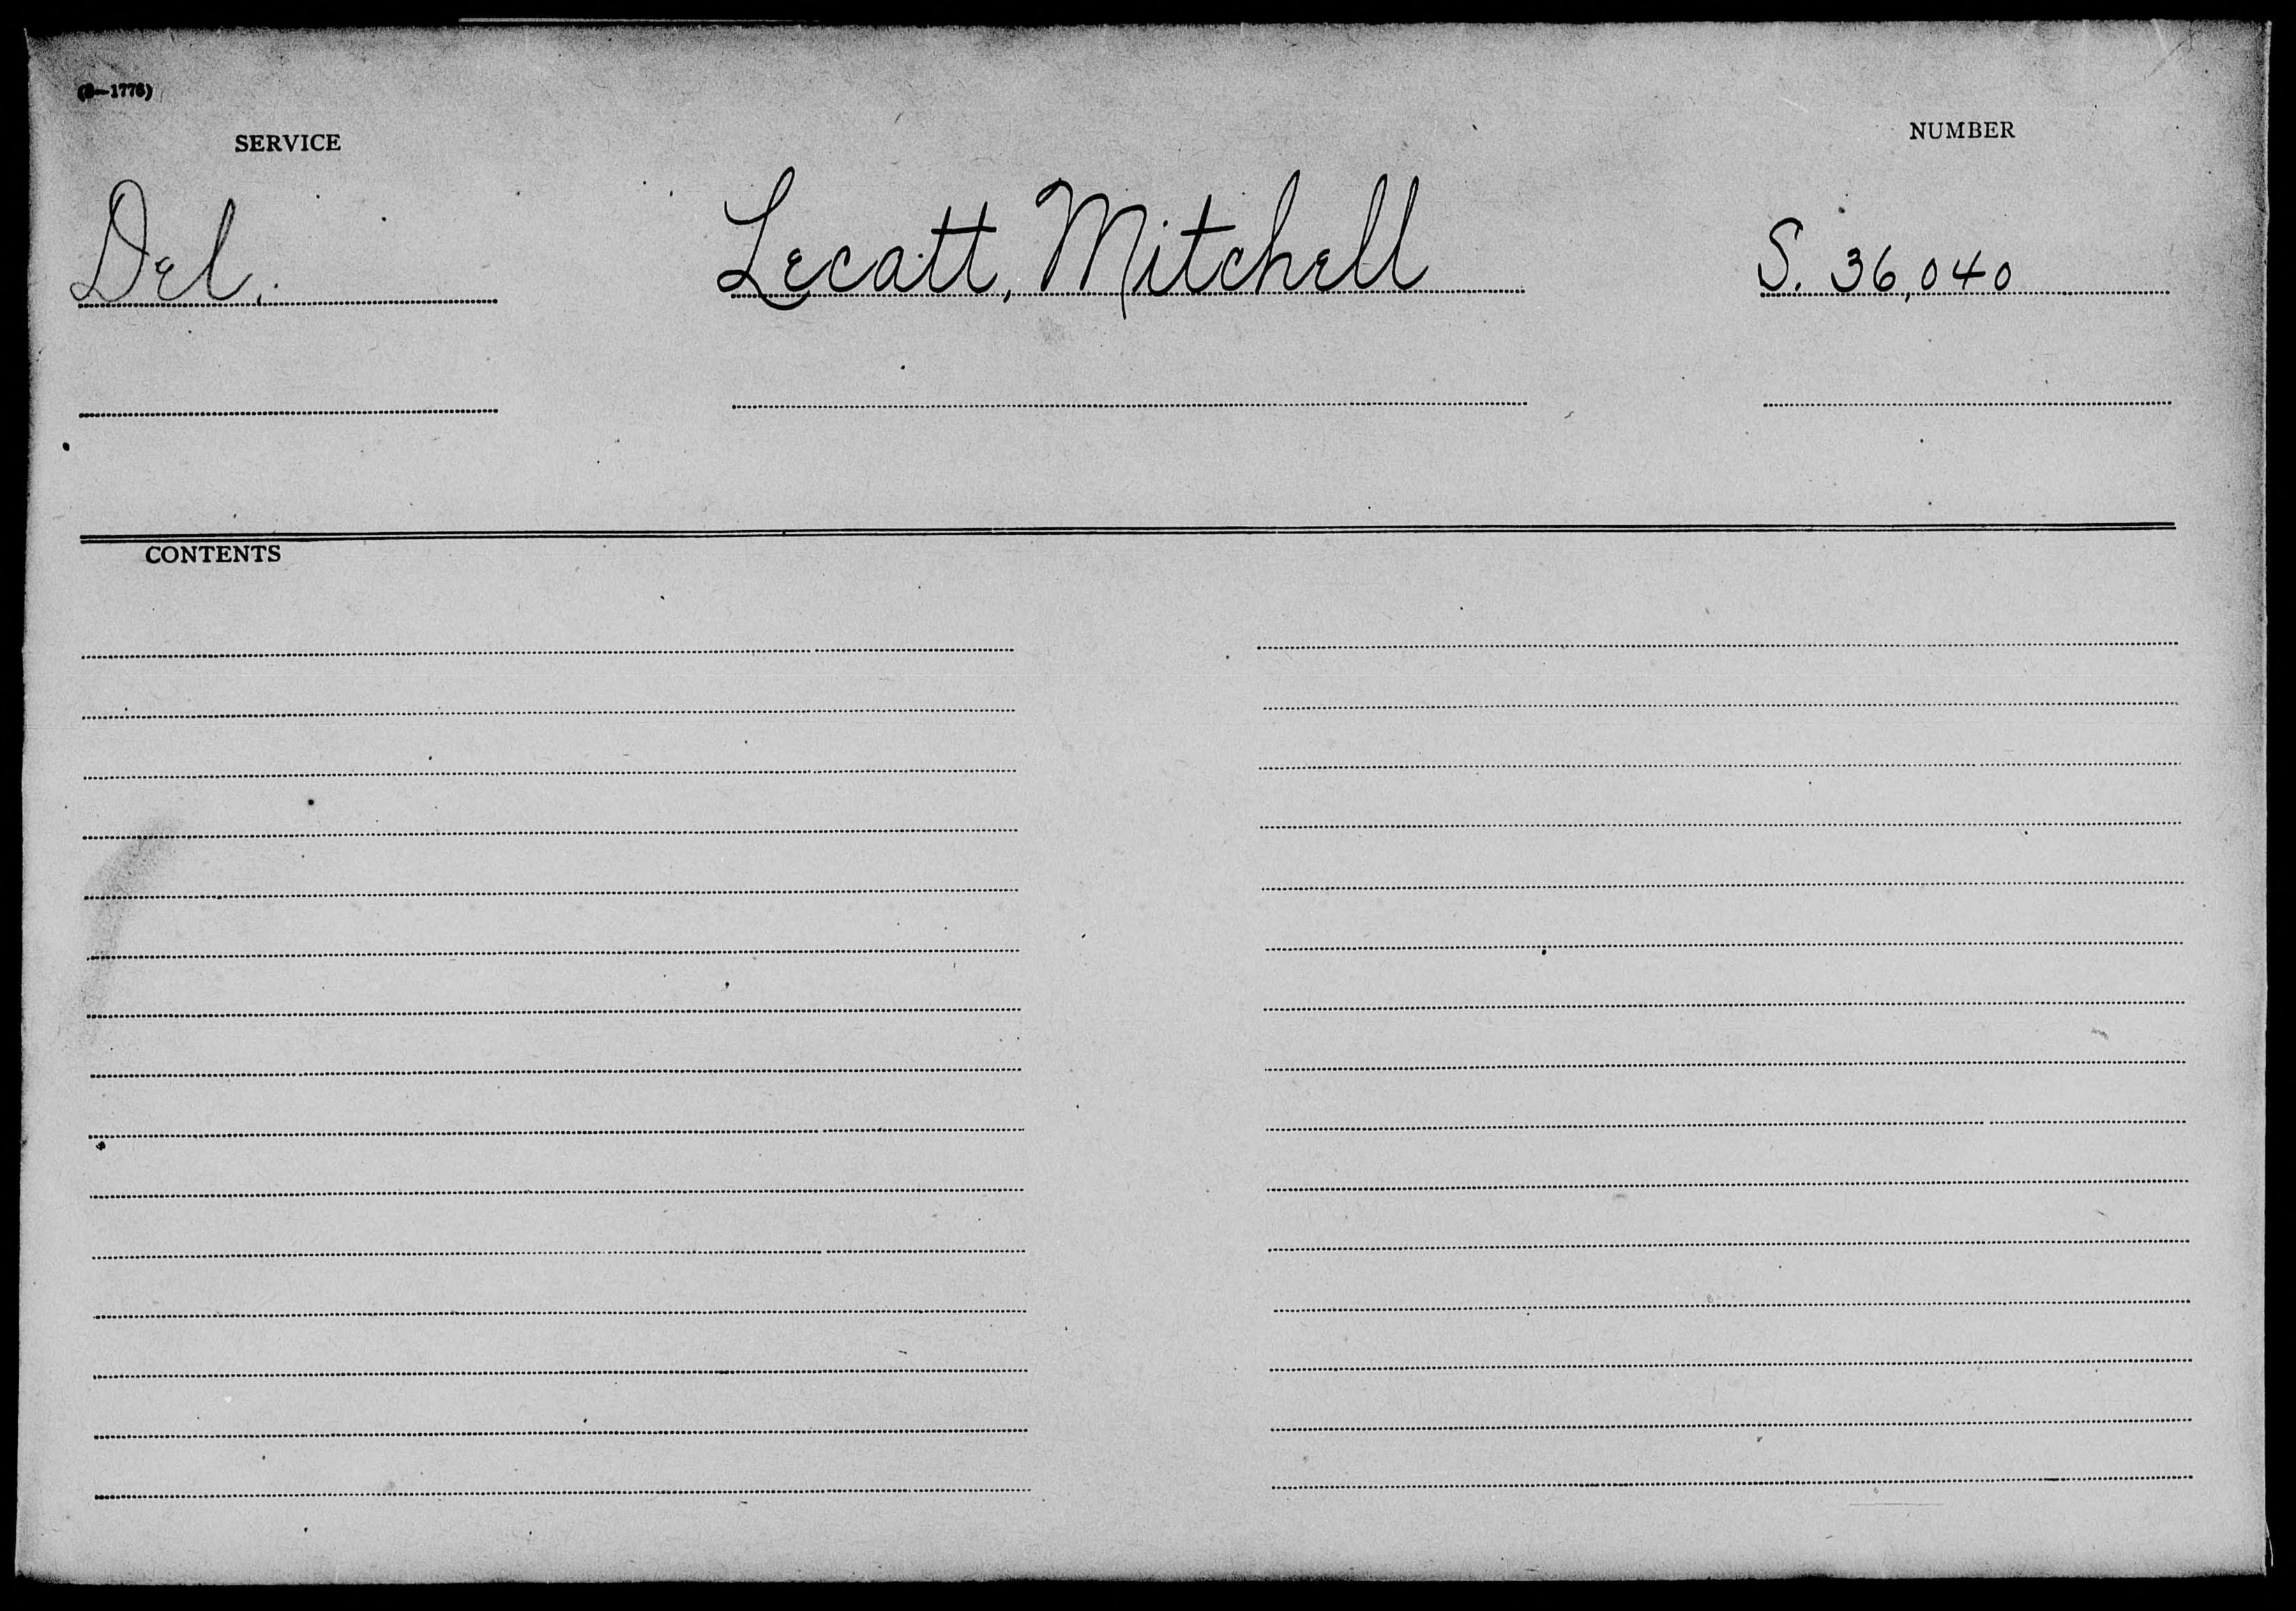(3-1776)
SERVICE
Del.
Lecatt, Mitchell
NUMBER
S. 36,040
CONTENTS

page: 1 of 12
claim: survivor's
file: S. 36,040, for Mitchell Lecatt, Delaware